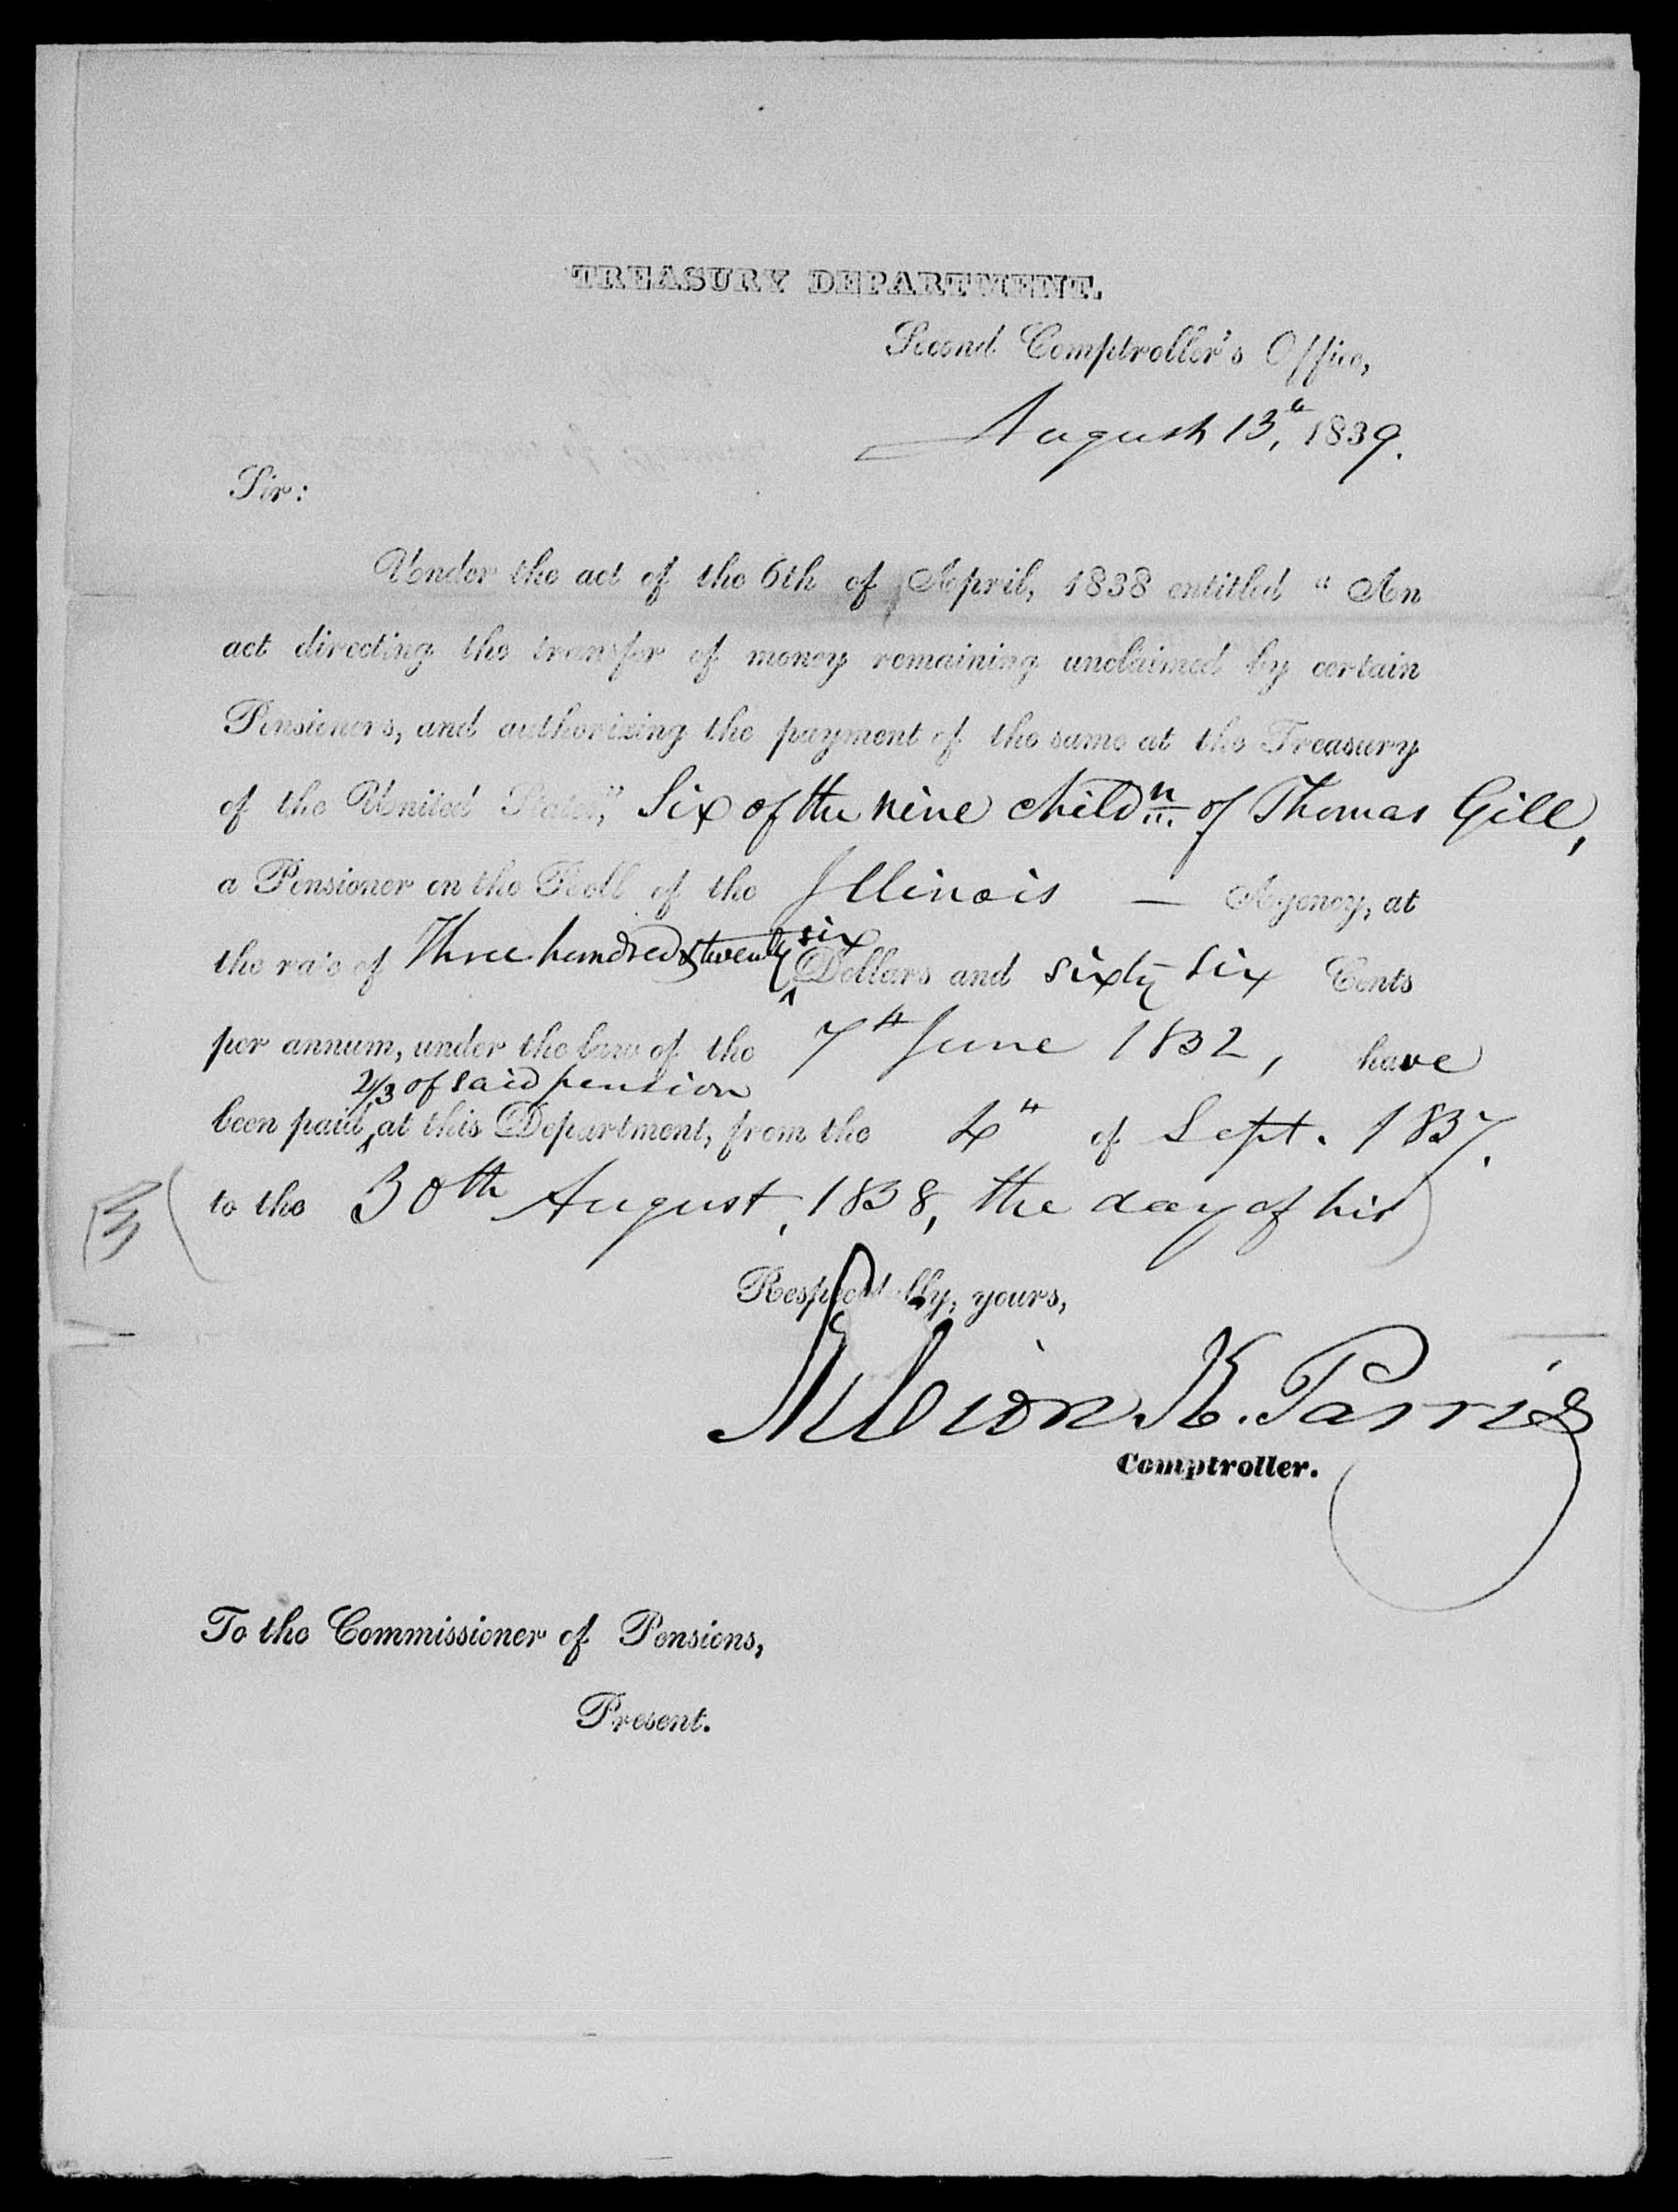TREASURY DEPARTMENT
Second Comptrollers Office
August 13, 1839
Sir:
    Under the act of the 6th of April 1838 entitled "An act directing the transfer of money remaining unclaimed by certain Pensioners, and authorizing the payment of the same at this Treasury of the United States," six of the nine children of Thomas Gill, a Pensioner on the Roll of the Illinois Agency, at the rate of Three hundred twenty six Dollars and sixty-six Cents per annum, under the law of the 7th June 1832, have been paid 2/3 of said pension at this Department from the 4th of Sept. 1837, to the 30th of August 1838, the day of his death
Respectfully yours,
Albion K Parris
Comptroller
To the Commissioner of Pensions
Present.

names: Thomas Gill, Albion K Parris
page: 5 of 44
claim: survivor's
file: S. 31,061, Thomas Gill, S.C.